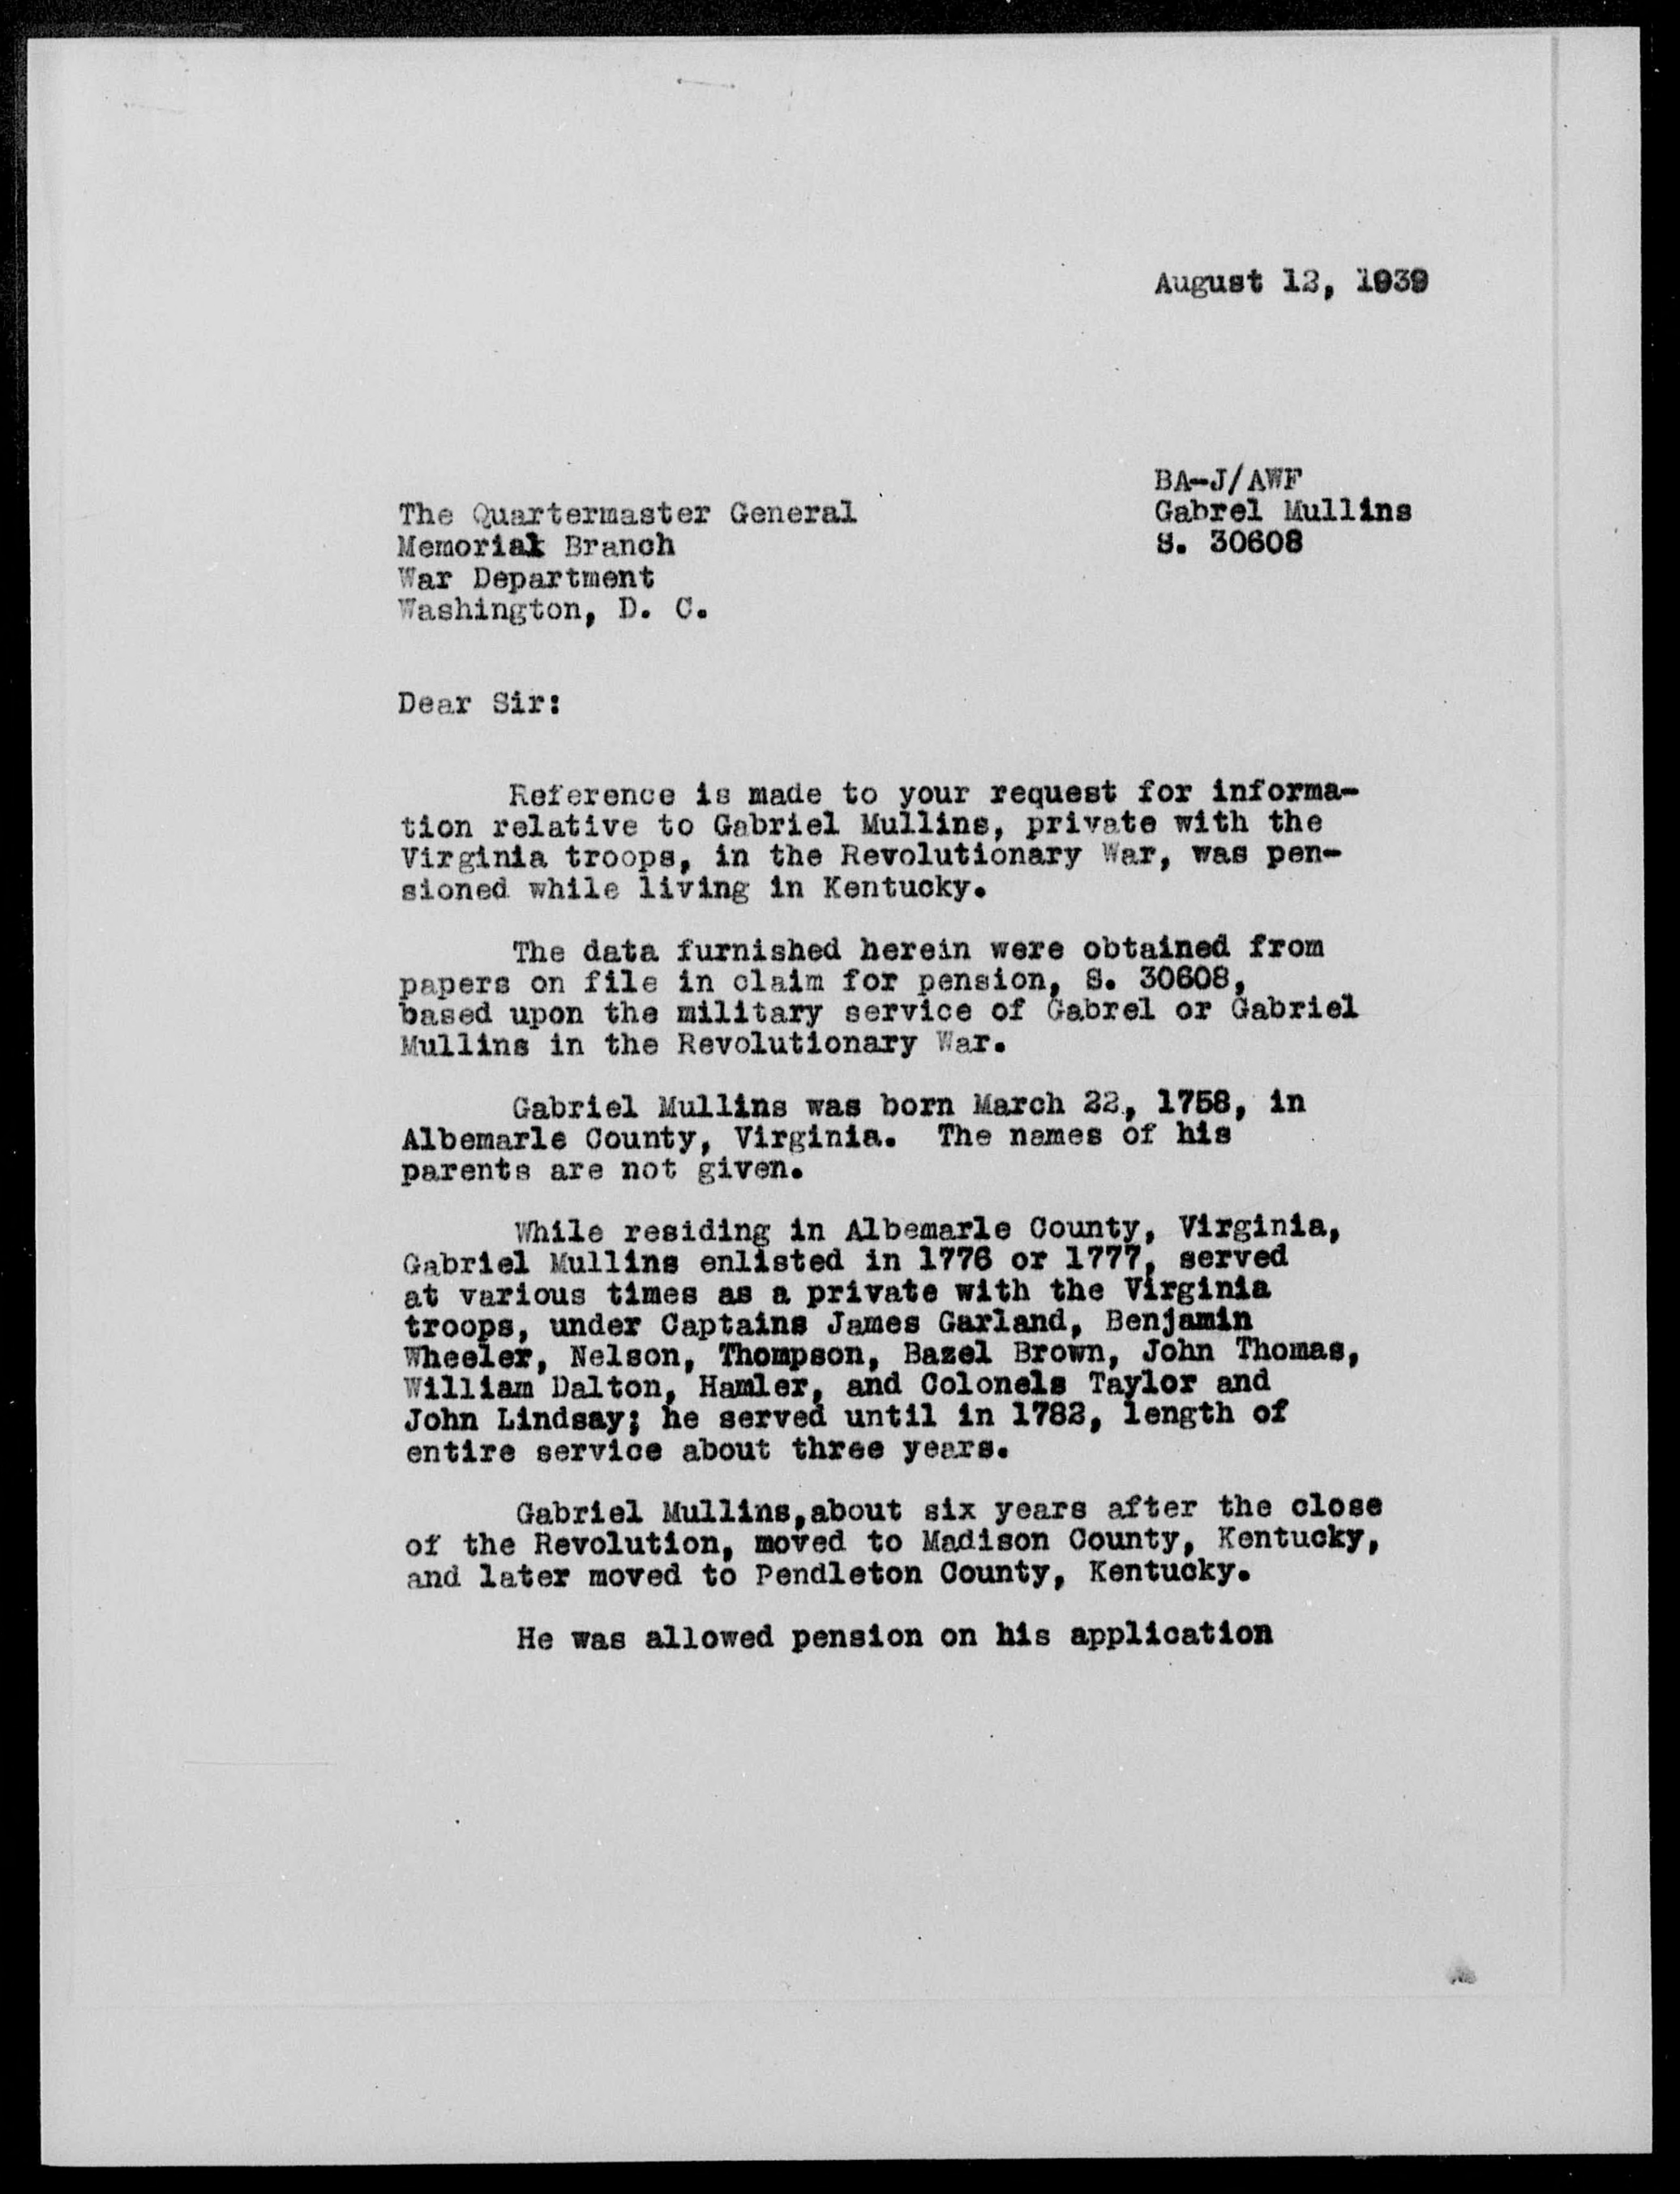August 12, 1939

                                  BA-J/AWF
                                  Gabriel Mullins
                                  S. 30608

The Quartermaster General
Memorial Branch
War Department
Washington, D.C.

Dear Sir:

Reference is made to your request for information
relative to Gabriel Mullins, private with the
Virginia troops, in the Revolutionary War, was pen-
sioned while living in Kentucky.
The data furnished herein were obtained from
papers on file in claim for pension, S. 30608,
based upon the military service of Gabrel or Gabriel
Mullins in the Revolutionary War.
Gabriel Mullins was born March 22, 1758, in
Albemarle County, Virginia. The names of his
parents are not given.
While residing in Albemarle County, Virginia,
Gabriel Mullins enlisted in 1776 or 1777, served
at various times as a private with the Virginia
troops, under Captains James Garland, Benjamin
Wheeler, Nelson, Thompson, Bazel Brown, John Thomas,
William Dalton, Hamler, and Colonels Taylor and
John Lindsay; he served until in 1782, length of
entire service about three years.
Gabriel Mullins, about six years after the close
of the Revolution, moved to Madison County, Kentucky,
and later moved to Pendleton County, Kentucky.
He was allowed pension on his application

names: [BLANK] Hamler; Gabriel Mullins; James Garland; Benjamin Wheeler; [BLANK] Nelson; Bazel Brown; Taylor Lindsay; Gabrel Mullins; William Dalton; John Thomas; [BLANK] Thompson; John Lindsay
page: 10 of 34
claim: survivor's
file: S. 30608, for Gabrel Mullins, Virginia